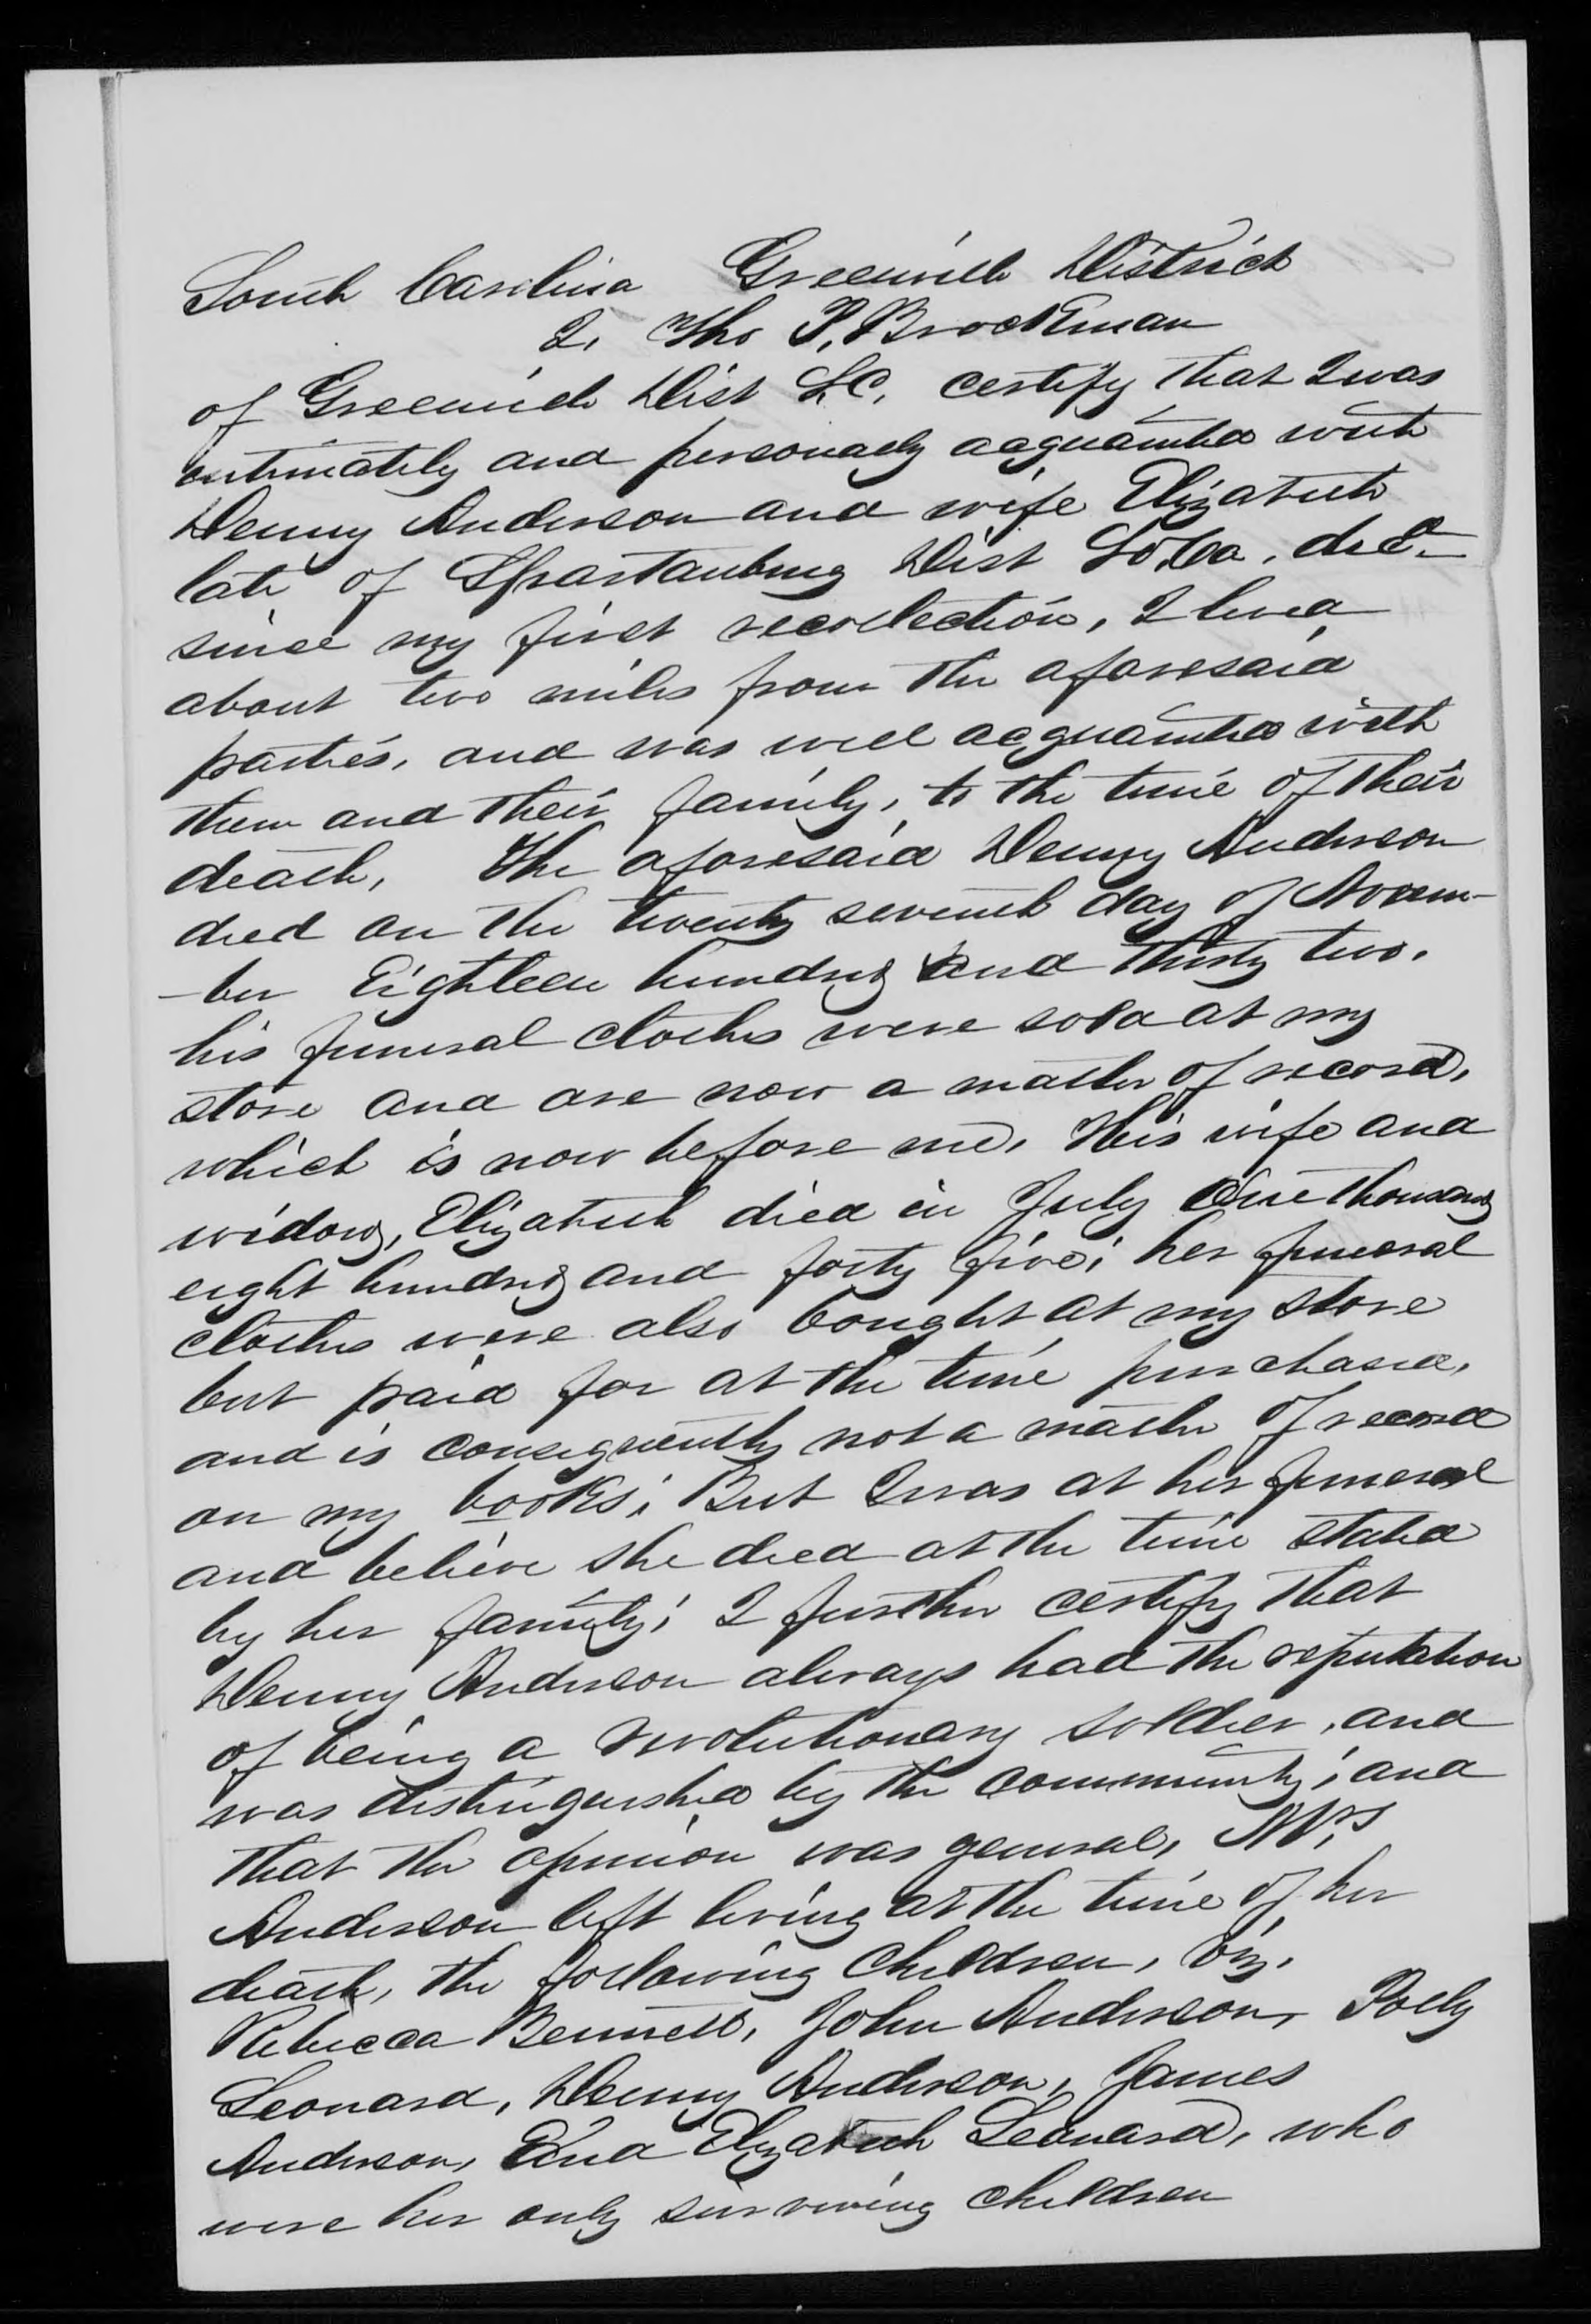South Carolina Greenville District
I, Tho P. Brockman of Greenville Dist S.C. certify that I was intimately and personally acquainted with Denny Anderson and wife Elizabeth late of Spartanburg Dist So. Ca. decd. since my first recollection, I lived about two miles from the aforesaid parties, and was well acquainted with them and their family, to the time of their death, the aforesaid Denny Anderson died on the twenty seventh day of November eighteen hundred and thirty two, his funeral clothes were sold at my store and are now a matter of record, which is now before me. His wife and widow, Elizabeth died in July one thousand eight hundred and forty five; her funeral clothes were also bought at my store but paid for at the time purchased, and in consequently not a matter of record on my books, but I was at her funeral and believe she died at the time stated by her family; I further certify that Denny Anderson always had the reputation of being a revolutionary soldier, and was distinguished by the community, and that the opinion was general, Mrs. Anderson left living at the time of her death, the following children, viz, Rebecca Bennett, John Anderson, Polly Leonard, Denny Anderson, James Anderson, and Elizabeth Leonard, who were her only surviving children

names: Denny Anderson, John Anderson, Anderson, Denny Anderson, Elizabeth, Denny Anderson, Denny Anderson, Rebecca Bennett, Polly Leonard, Tho P Brockman, Edna Elizabeth Leonard, Elizabeth, James Anderson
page: 19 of 51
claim: widow's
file: W. 9700, Denney Anderson, S.C.